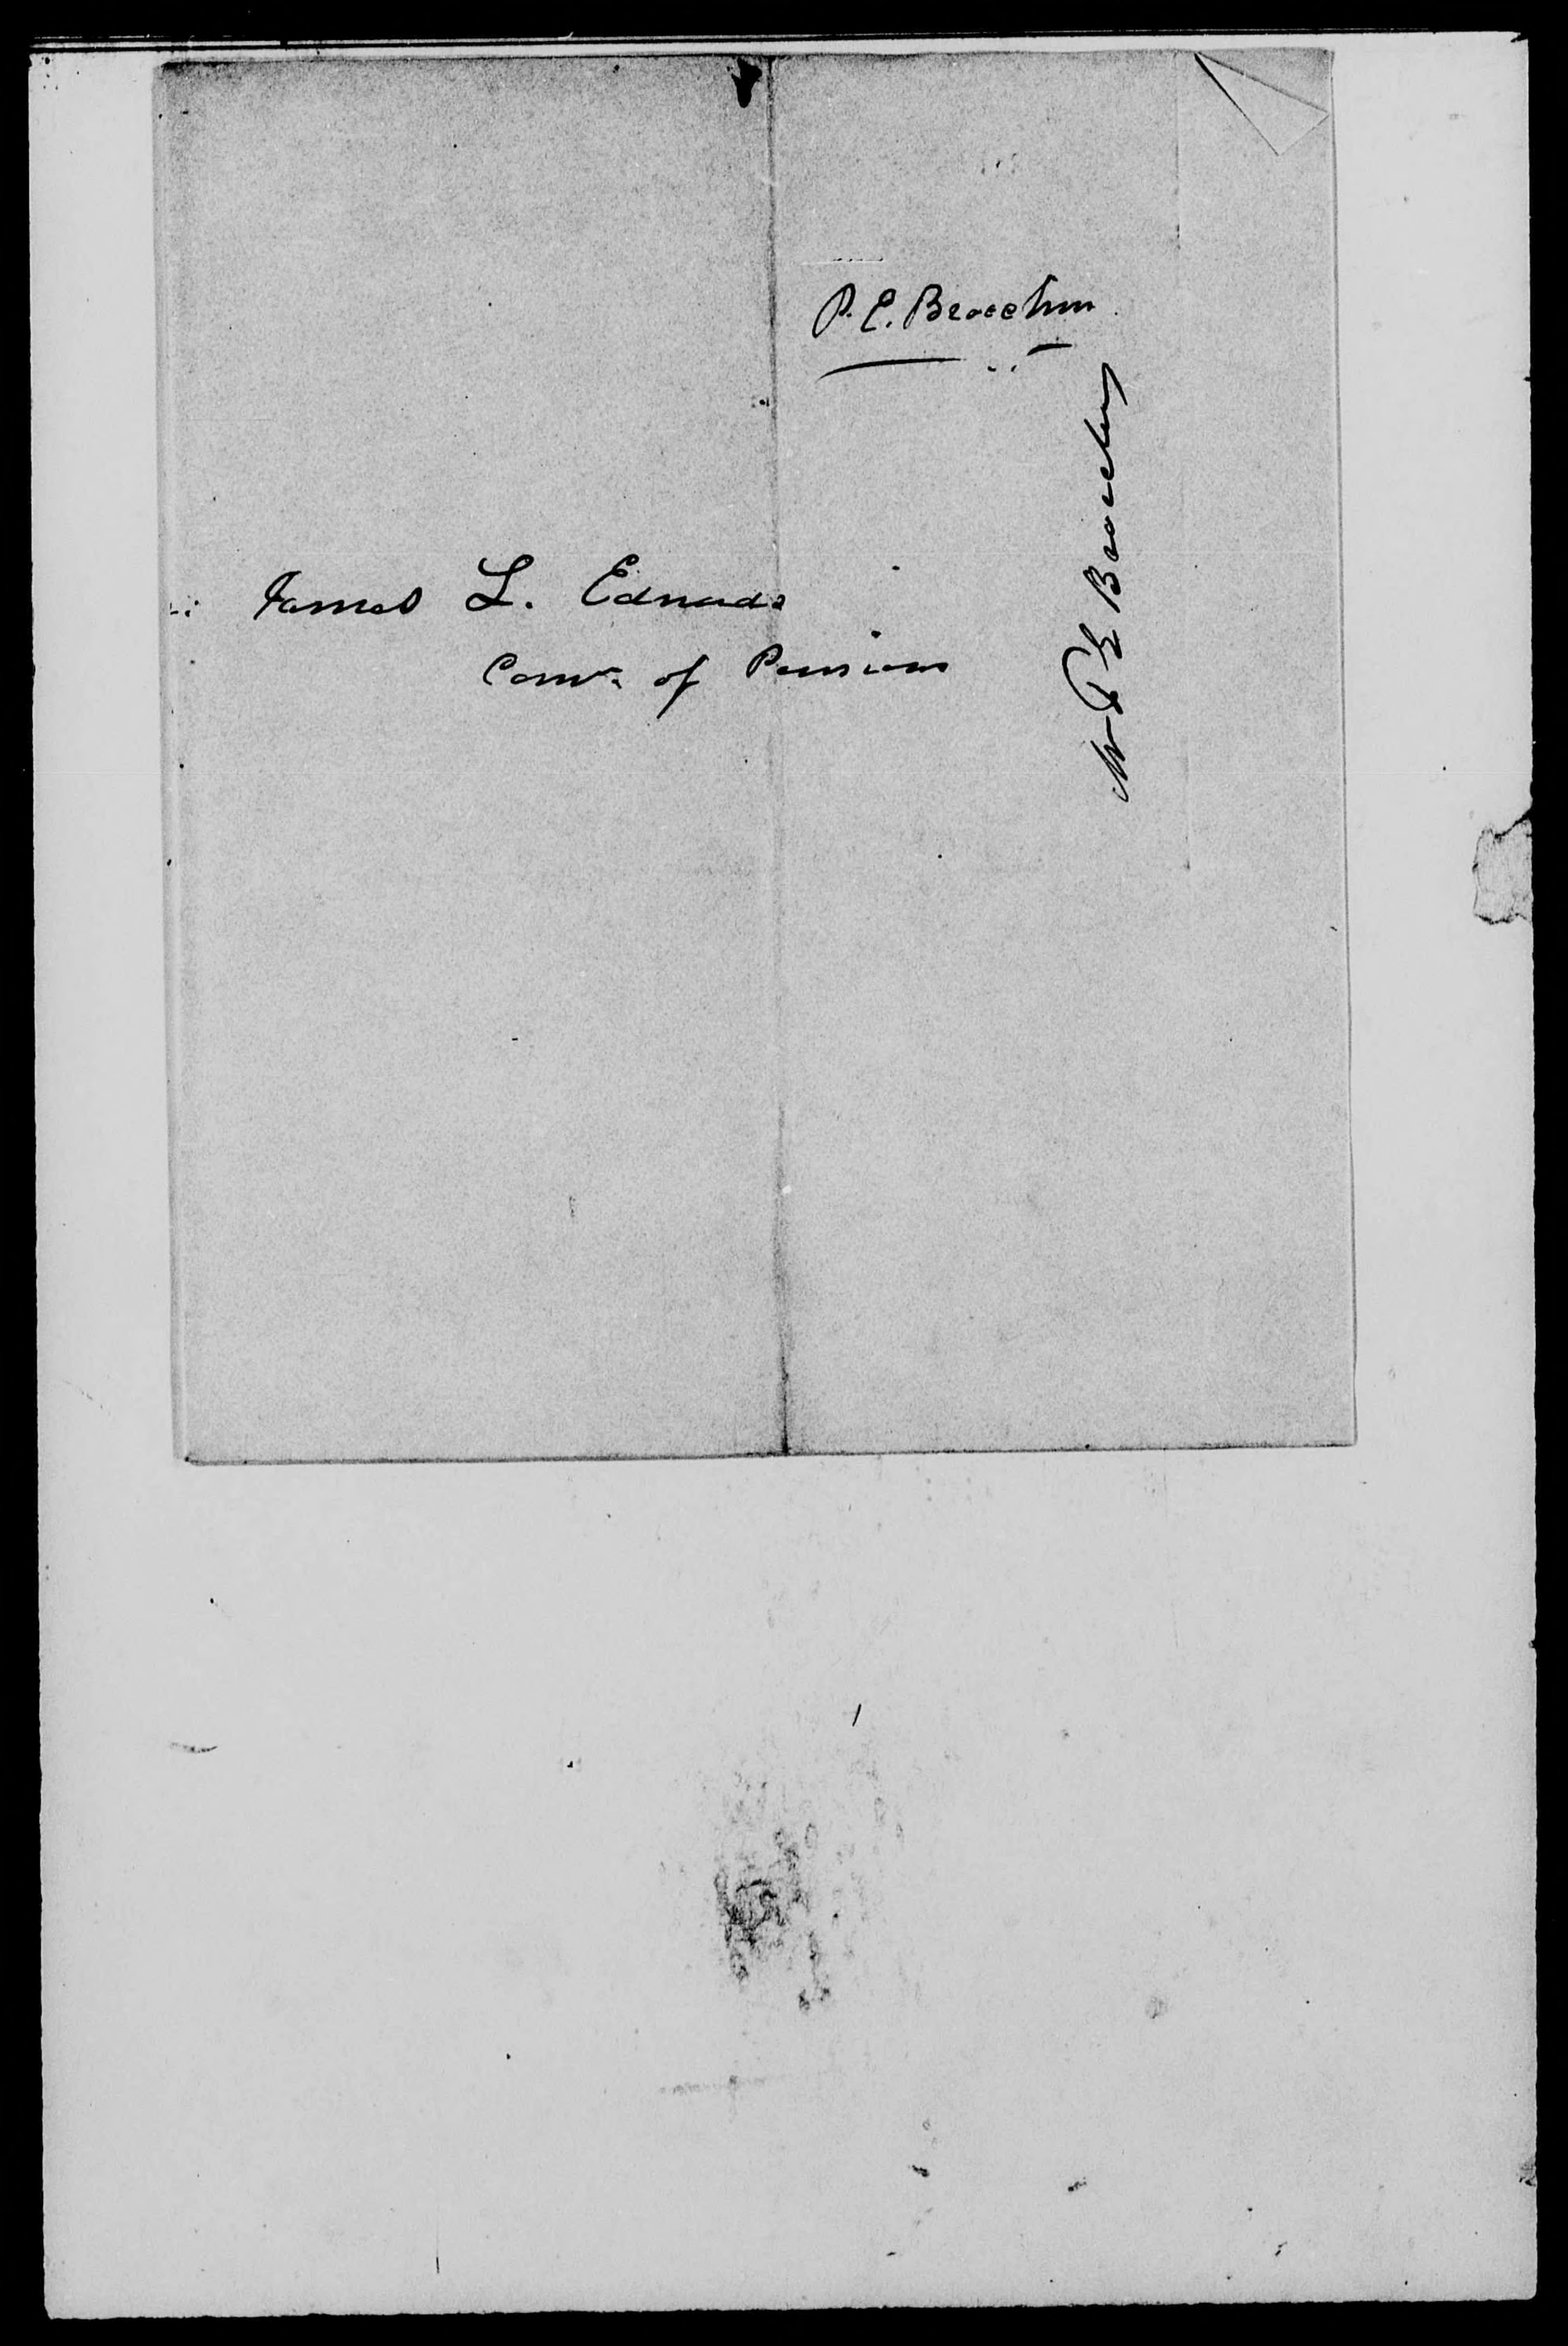P. E. Brocchus
James L. Edwards
Comm. of Pensions
Mr P E Brocchus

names: James L Edwards, P E Brocchus, P E Brocchus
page: 28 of 32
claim: rejected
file: R. 2795, Jesse Dazey, Del.